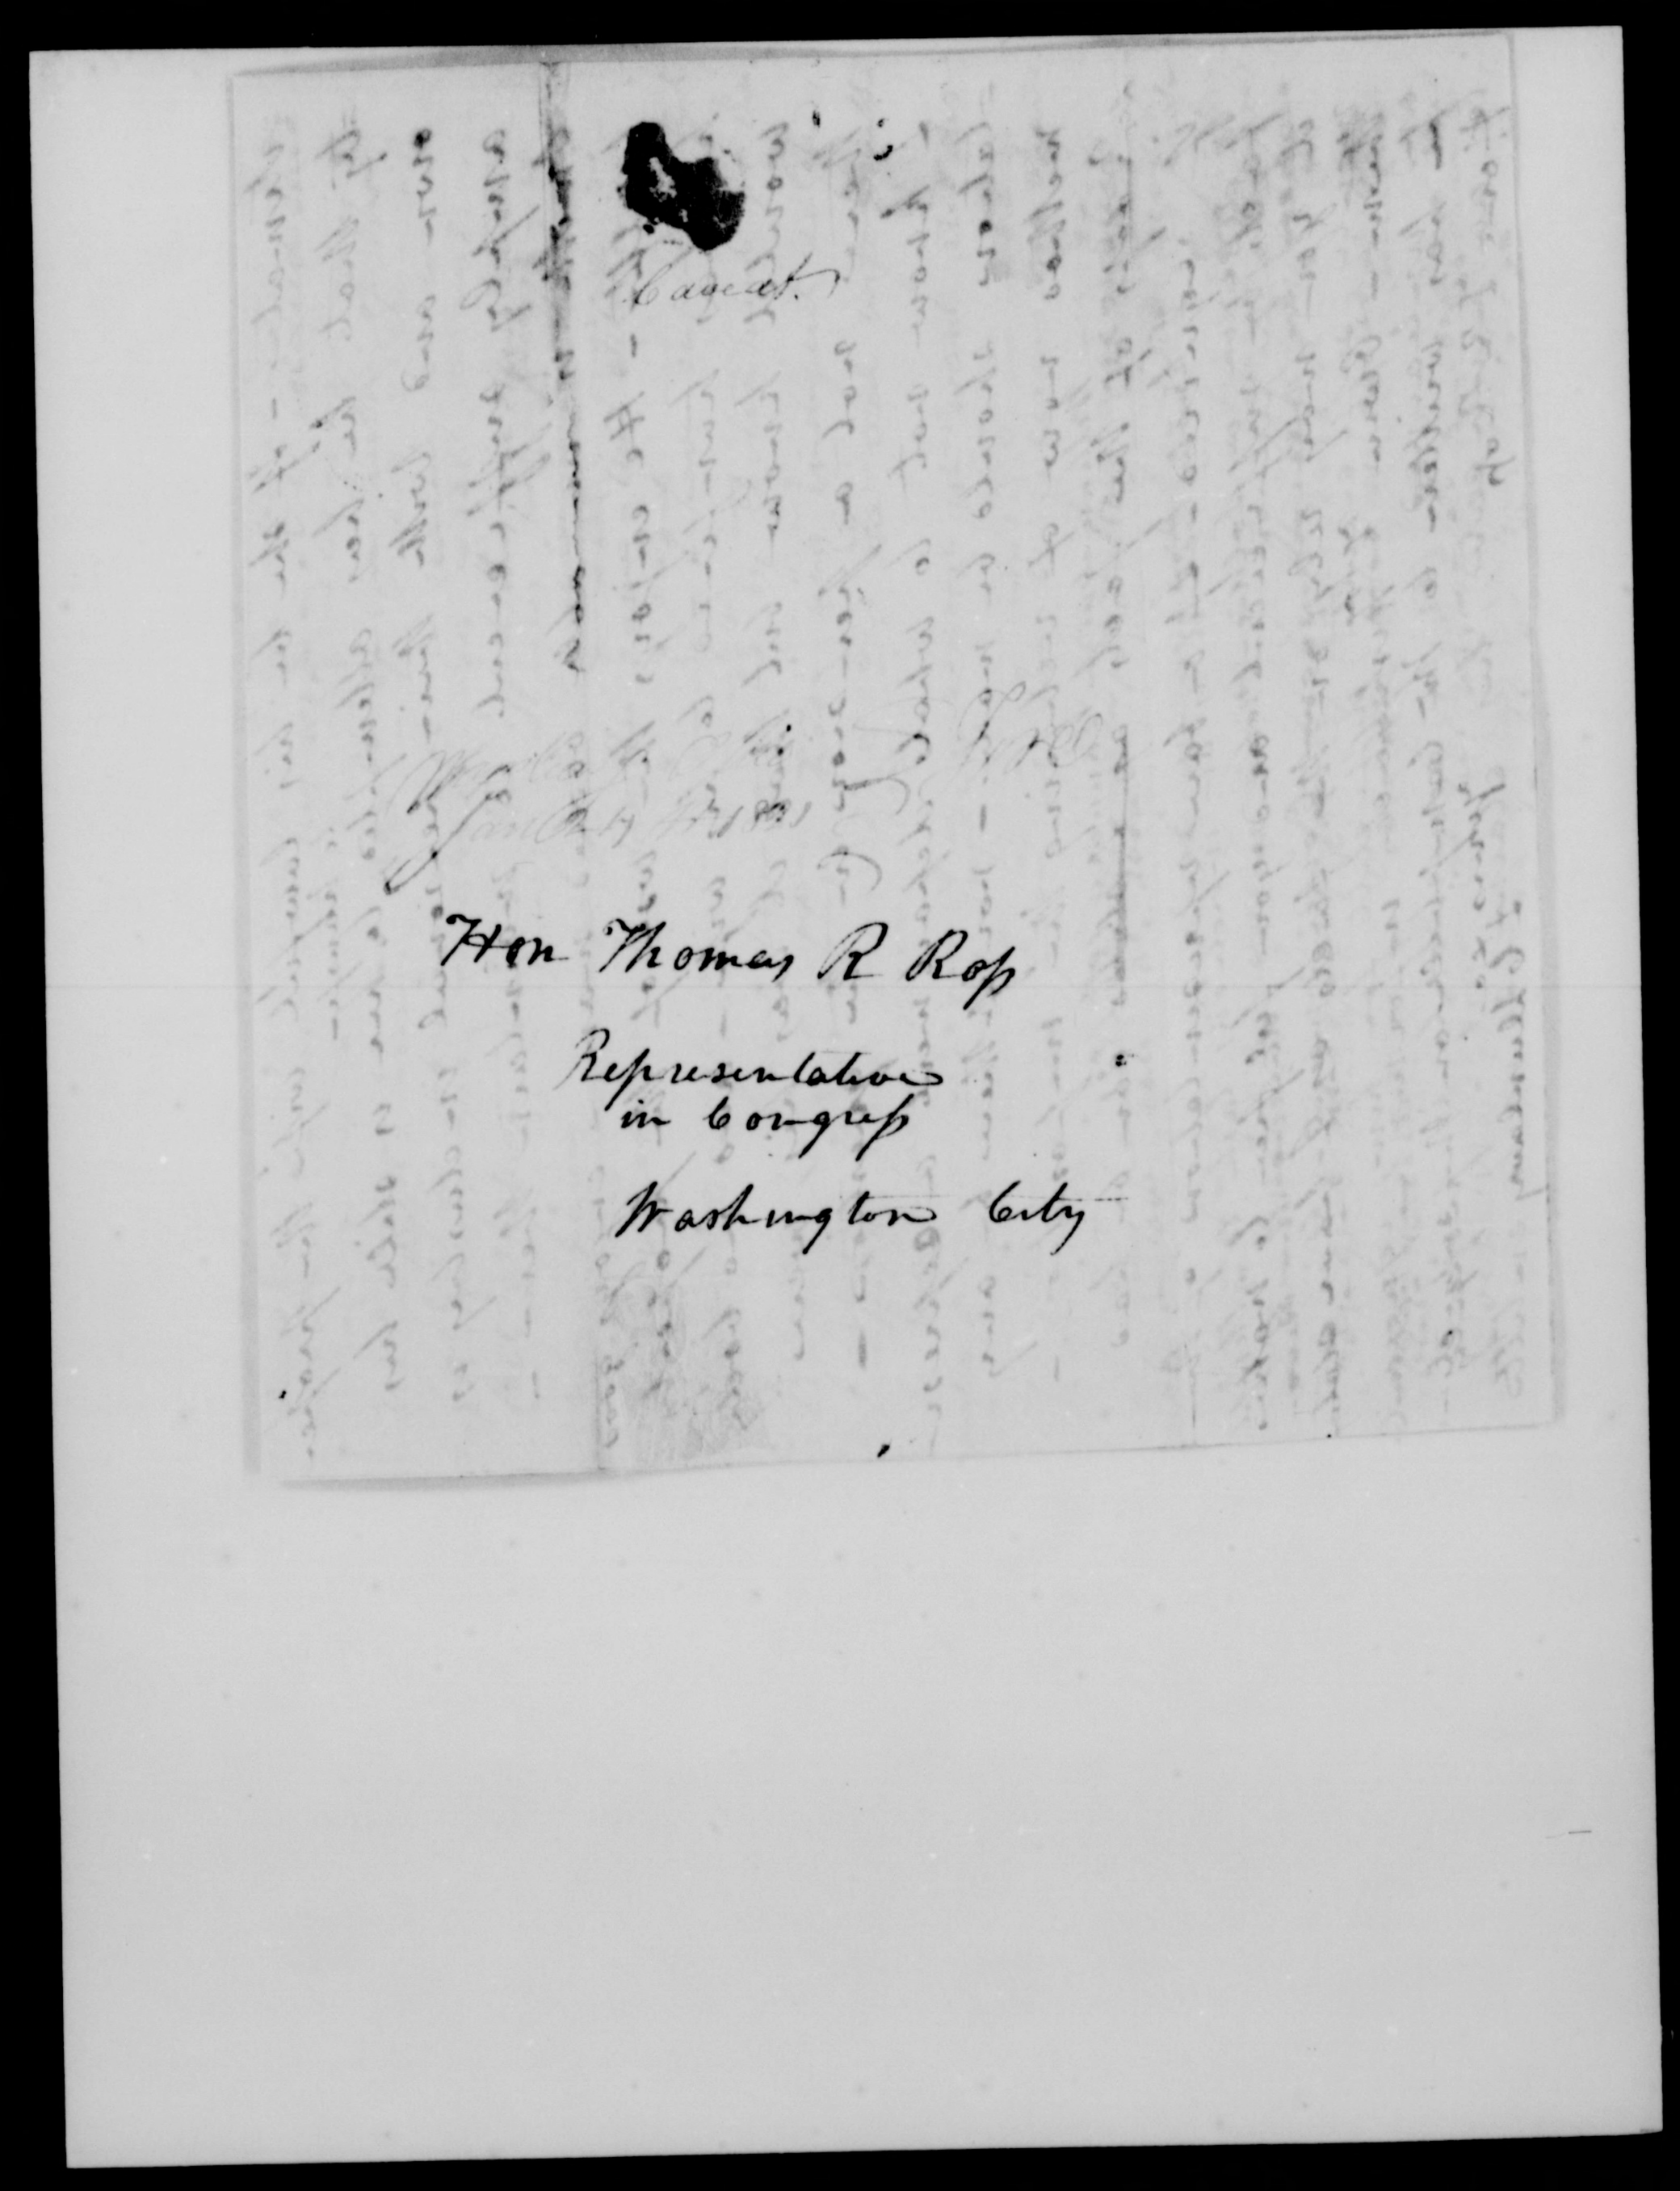Hon Thomas R Ross Representative in Congress Washington City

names: Thomas R Ross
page: 27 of 66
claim: survivor's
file: S 40458, for Obadiah Smith, New York